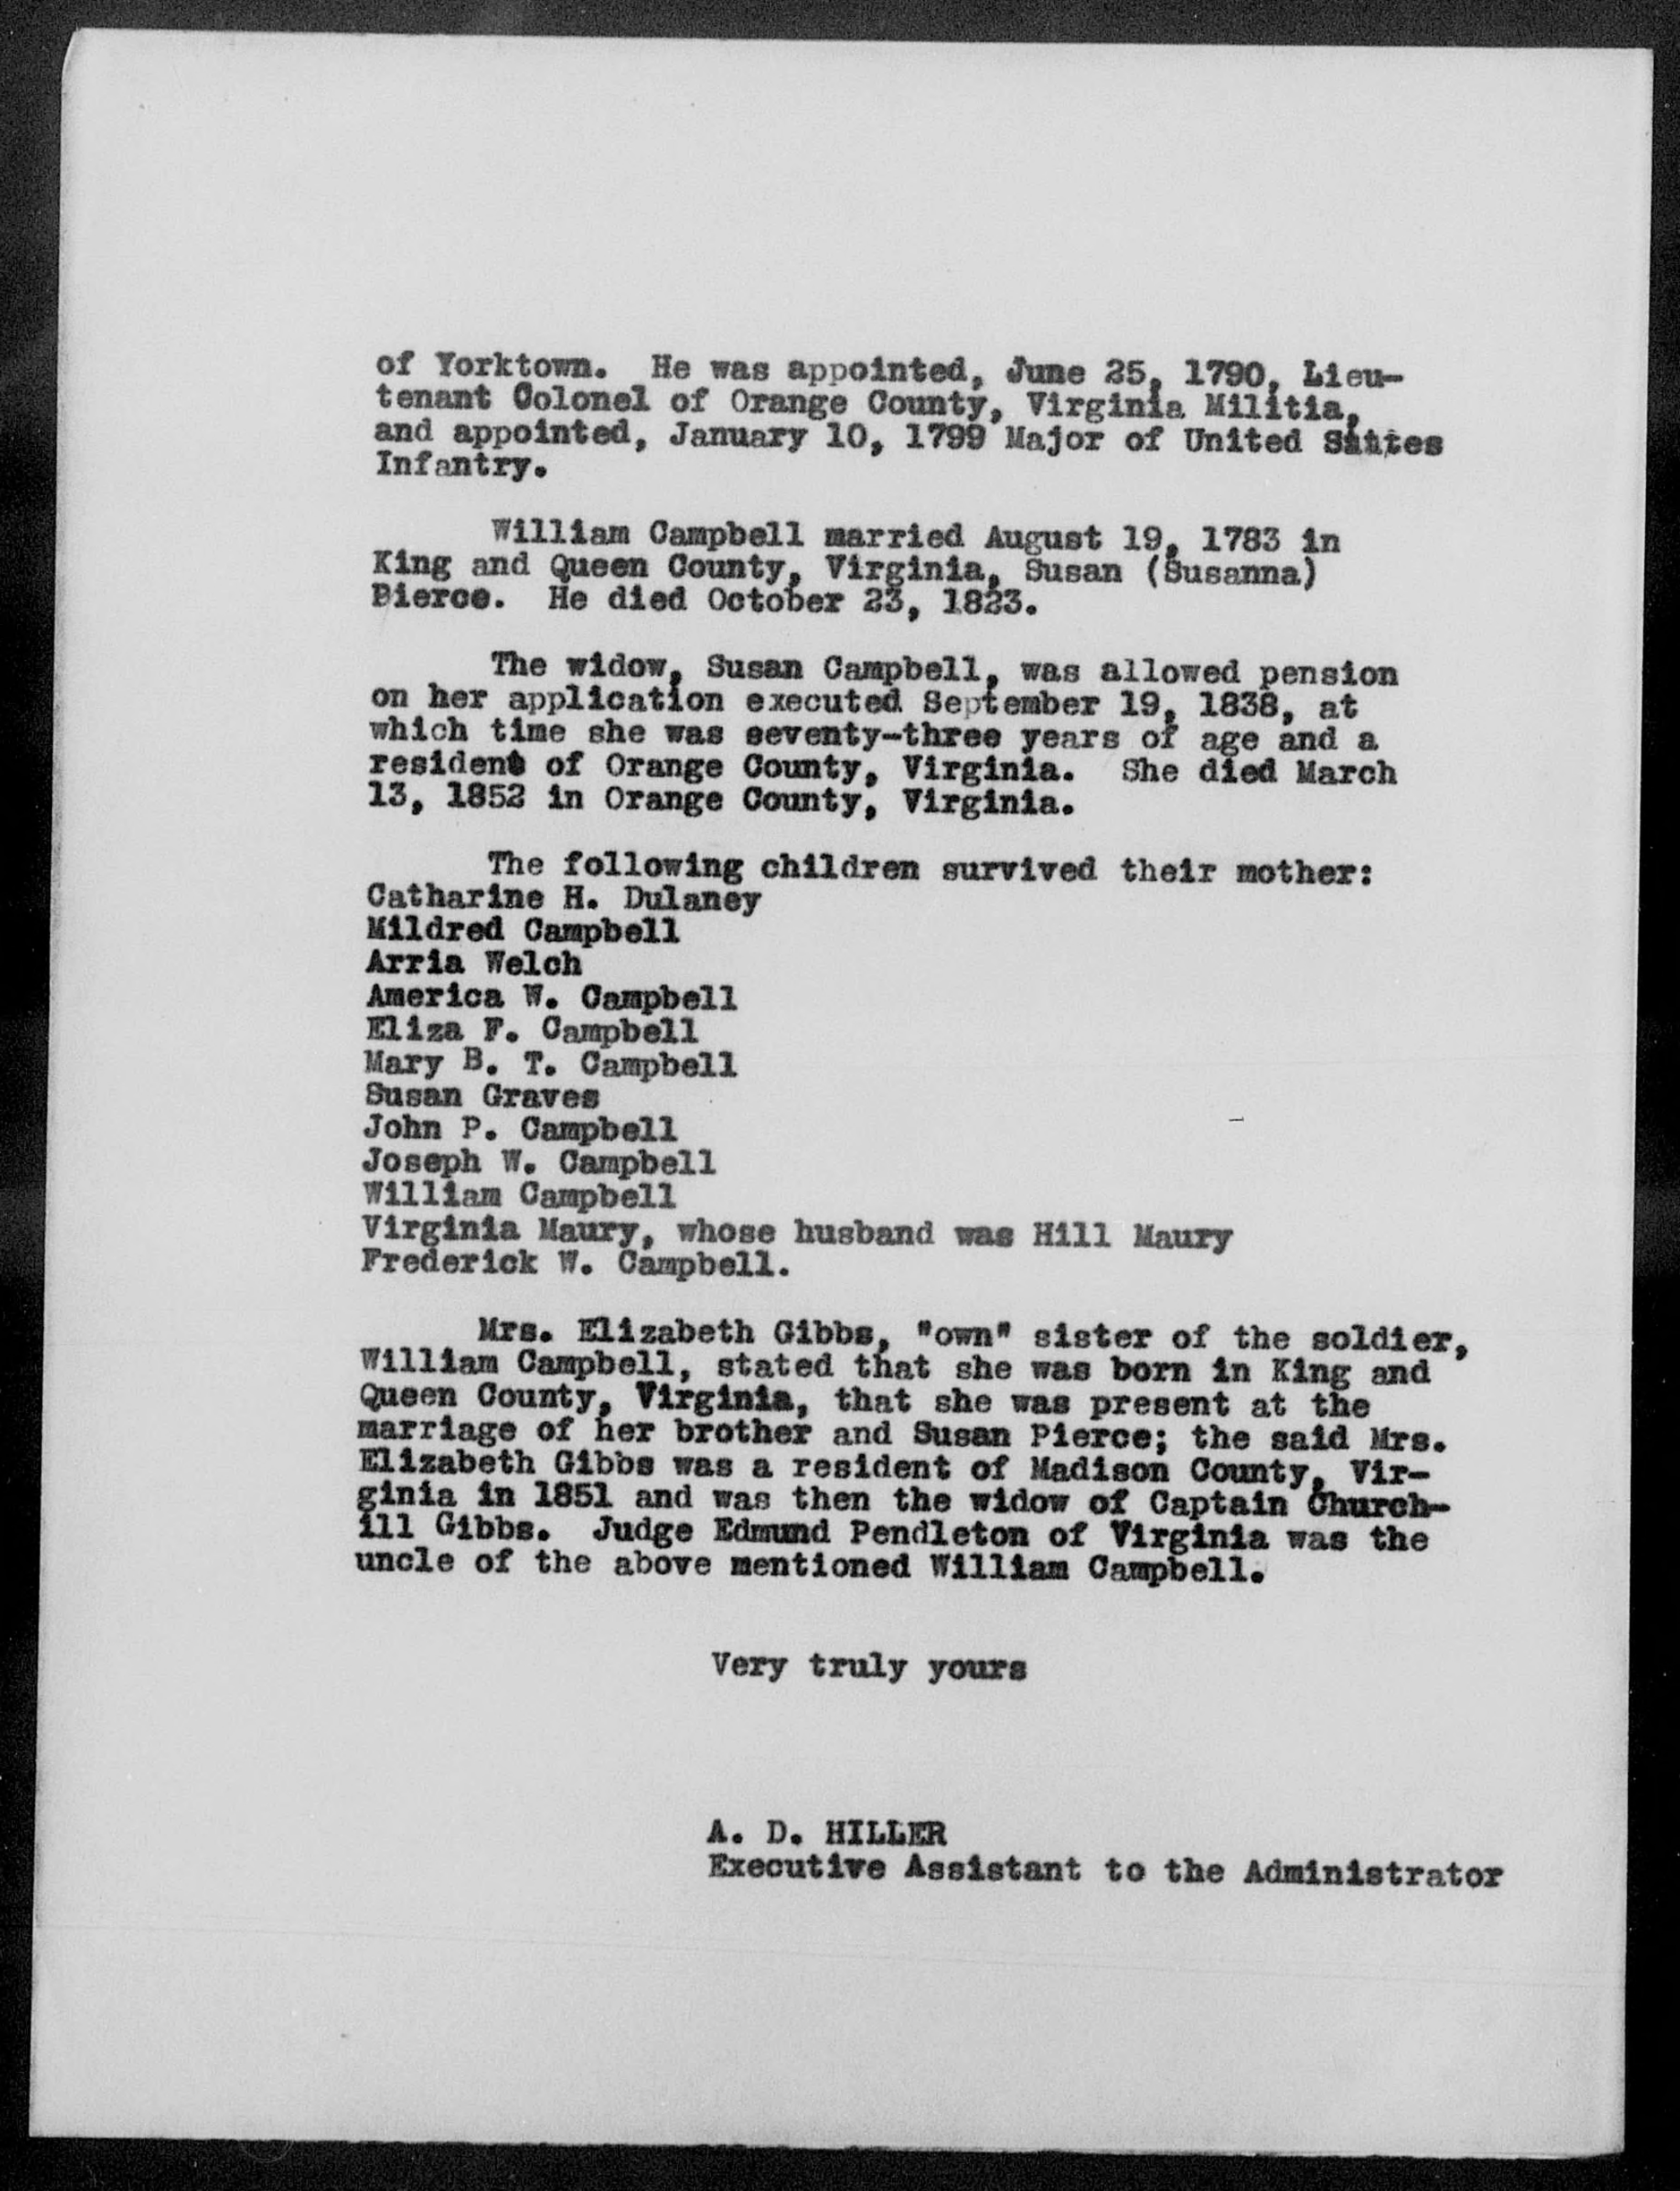of Yorktown. He was appointed, June 25, 1790, Lieutenant Colonel of Orange County, Virginia Militia, and appointed, January 10, 1799 Major of United States Infantry.
William Campbell married August 19, 1783 in King and Queen County, Virginia, Susan (Susanna) Pierce. He died October 23, 1823.
The widow, Susan Campbell, was allowed pension on her application executed September 19, 1838, at which time she was seventy-three years of age and a
resident of Orange County, Virginia. She died March 13, 1852 in Orange County, Virginia.
The following children survived their mother:
Catharine H. Dulaney
Mildred Campbell
Arria Welch
America W. Campbell
Eliza F. Campbell
Mary B. T. Campbell
Susan Graves
John P. Campbell
Joseph W. Campbell
William Campbell
Virginia Maury, whose husband was Hill Maury
Frederick W. Campbell.
Mrs. Elizabeth Gibbs, "own" sister of the soldier, William Campbell, stated that she was born in King and Queen County, Virginia, that she was present at the marriage of her brother and Susan Pierce; the said Mrs. Elizabeth Gibbs was a resident of Madison County, Virginia in 1851 and was then the widow of Captain Churchill Gibbs. Judge Edmund Pendleton of Virginia was the uncle of the above mentioned William Campbell.
Very truly yours
A. D. HILLER
Executive Assistant to the Administrator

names: Virginia Maury, Elizabeth Gibbs, Hill Maury, A D Hiller, Susan Campbell, Arria Welch, John P Campbell, Edmund Pendleton, William Campbell, William Campbell, Churchill Gibbs, America W Campbell, William Campbell, Mildred Campbell, Catharine H Dulaney, Eliza F Campbell, Susan Pierce, Mary B T Campbell, Susanna Pierce, Susan Graves, William Campbell, Joseph W Campbell, Elizabeth Gibbs, Frederick W Campbell, Susan Pierce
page: 266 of 267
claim: widow's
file: W. 4,149, William Campbell, Va.